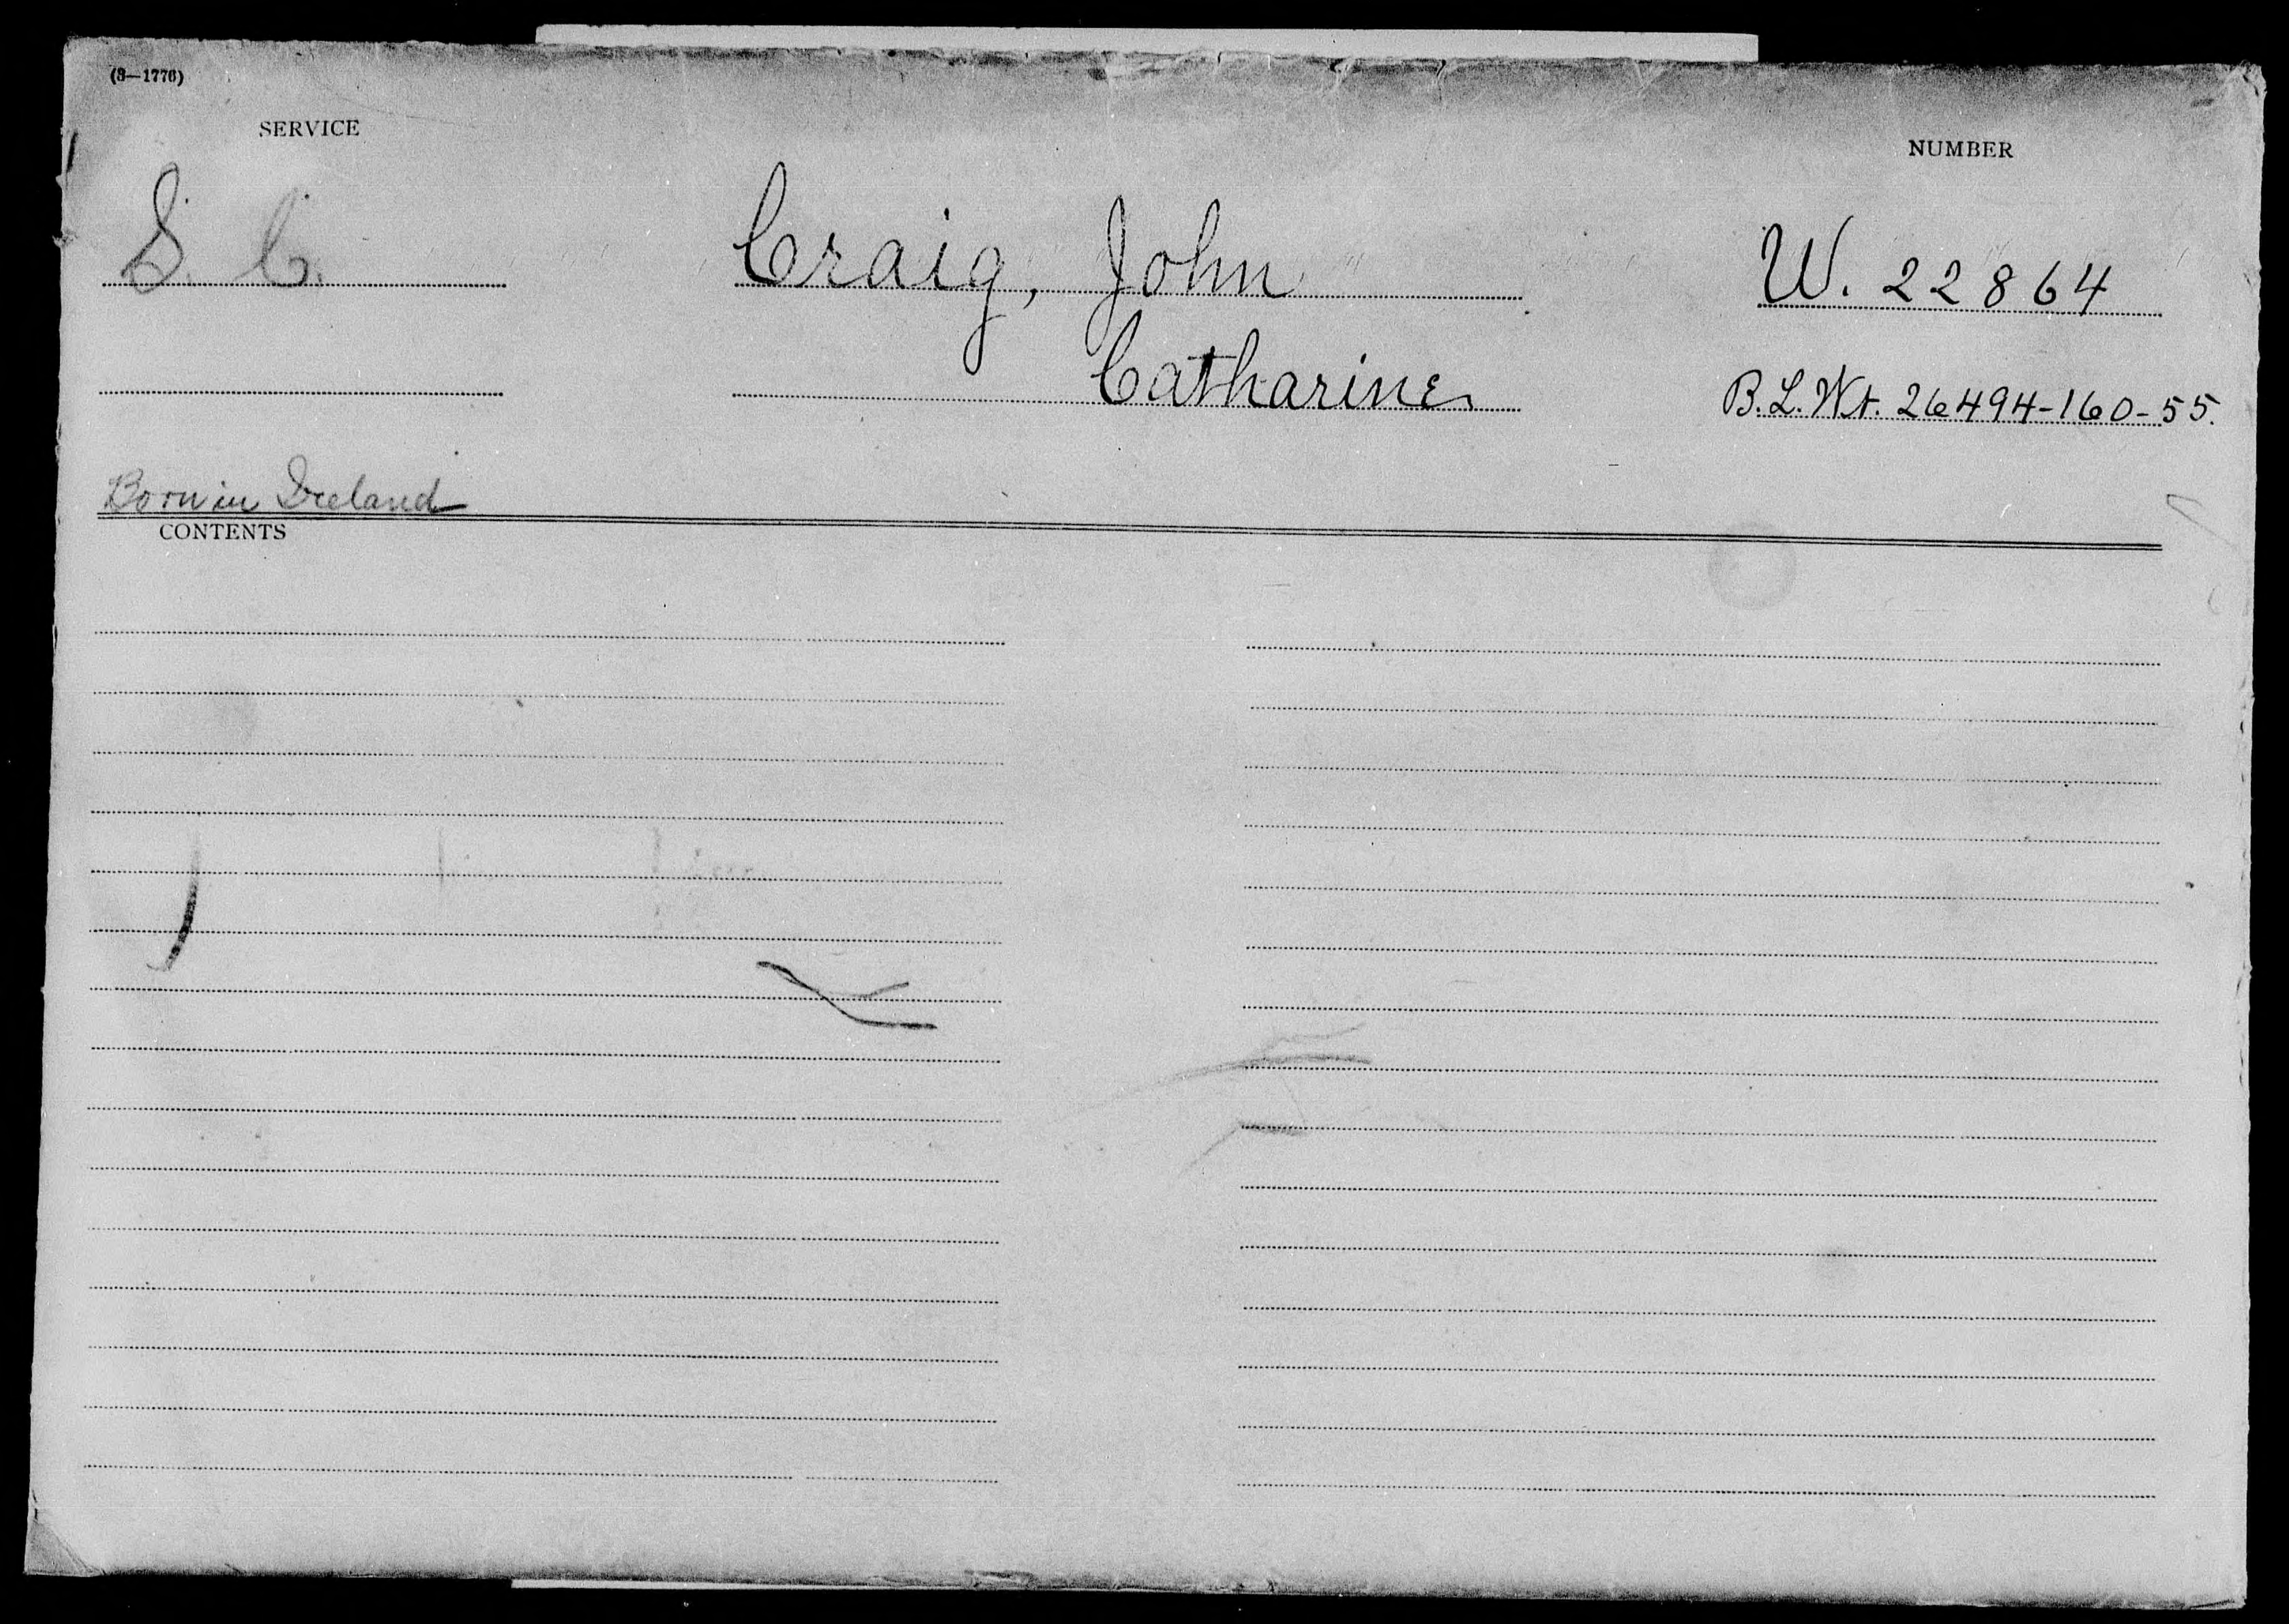(3-1776)
SERVICE - S.C.
  
Craig, John -- Catharine

 NUMBER - W. 22864
 
Born in Ireland
 -----------------------
CONTENTS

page: 1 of 55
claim: widow's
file: W. 22864, John Craig, S.C. Born In Iceland